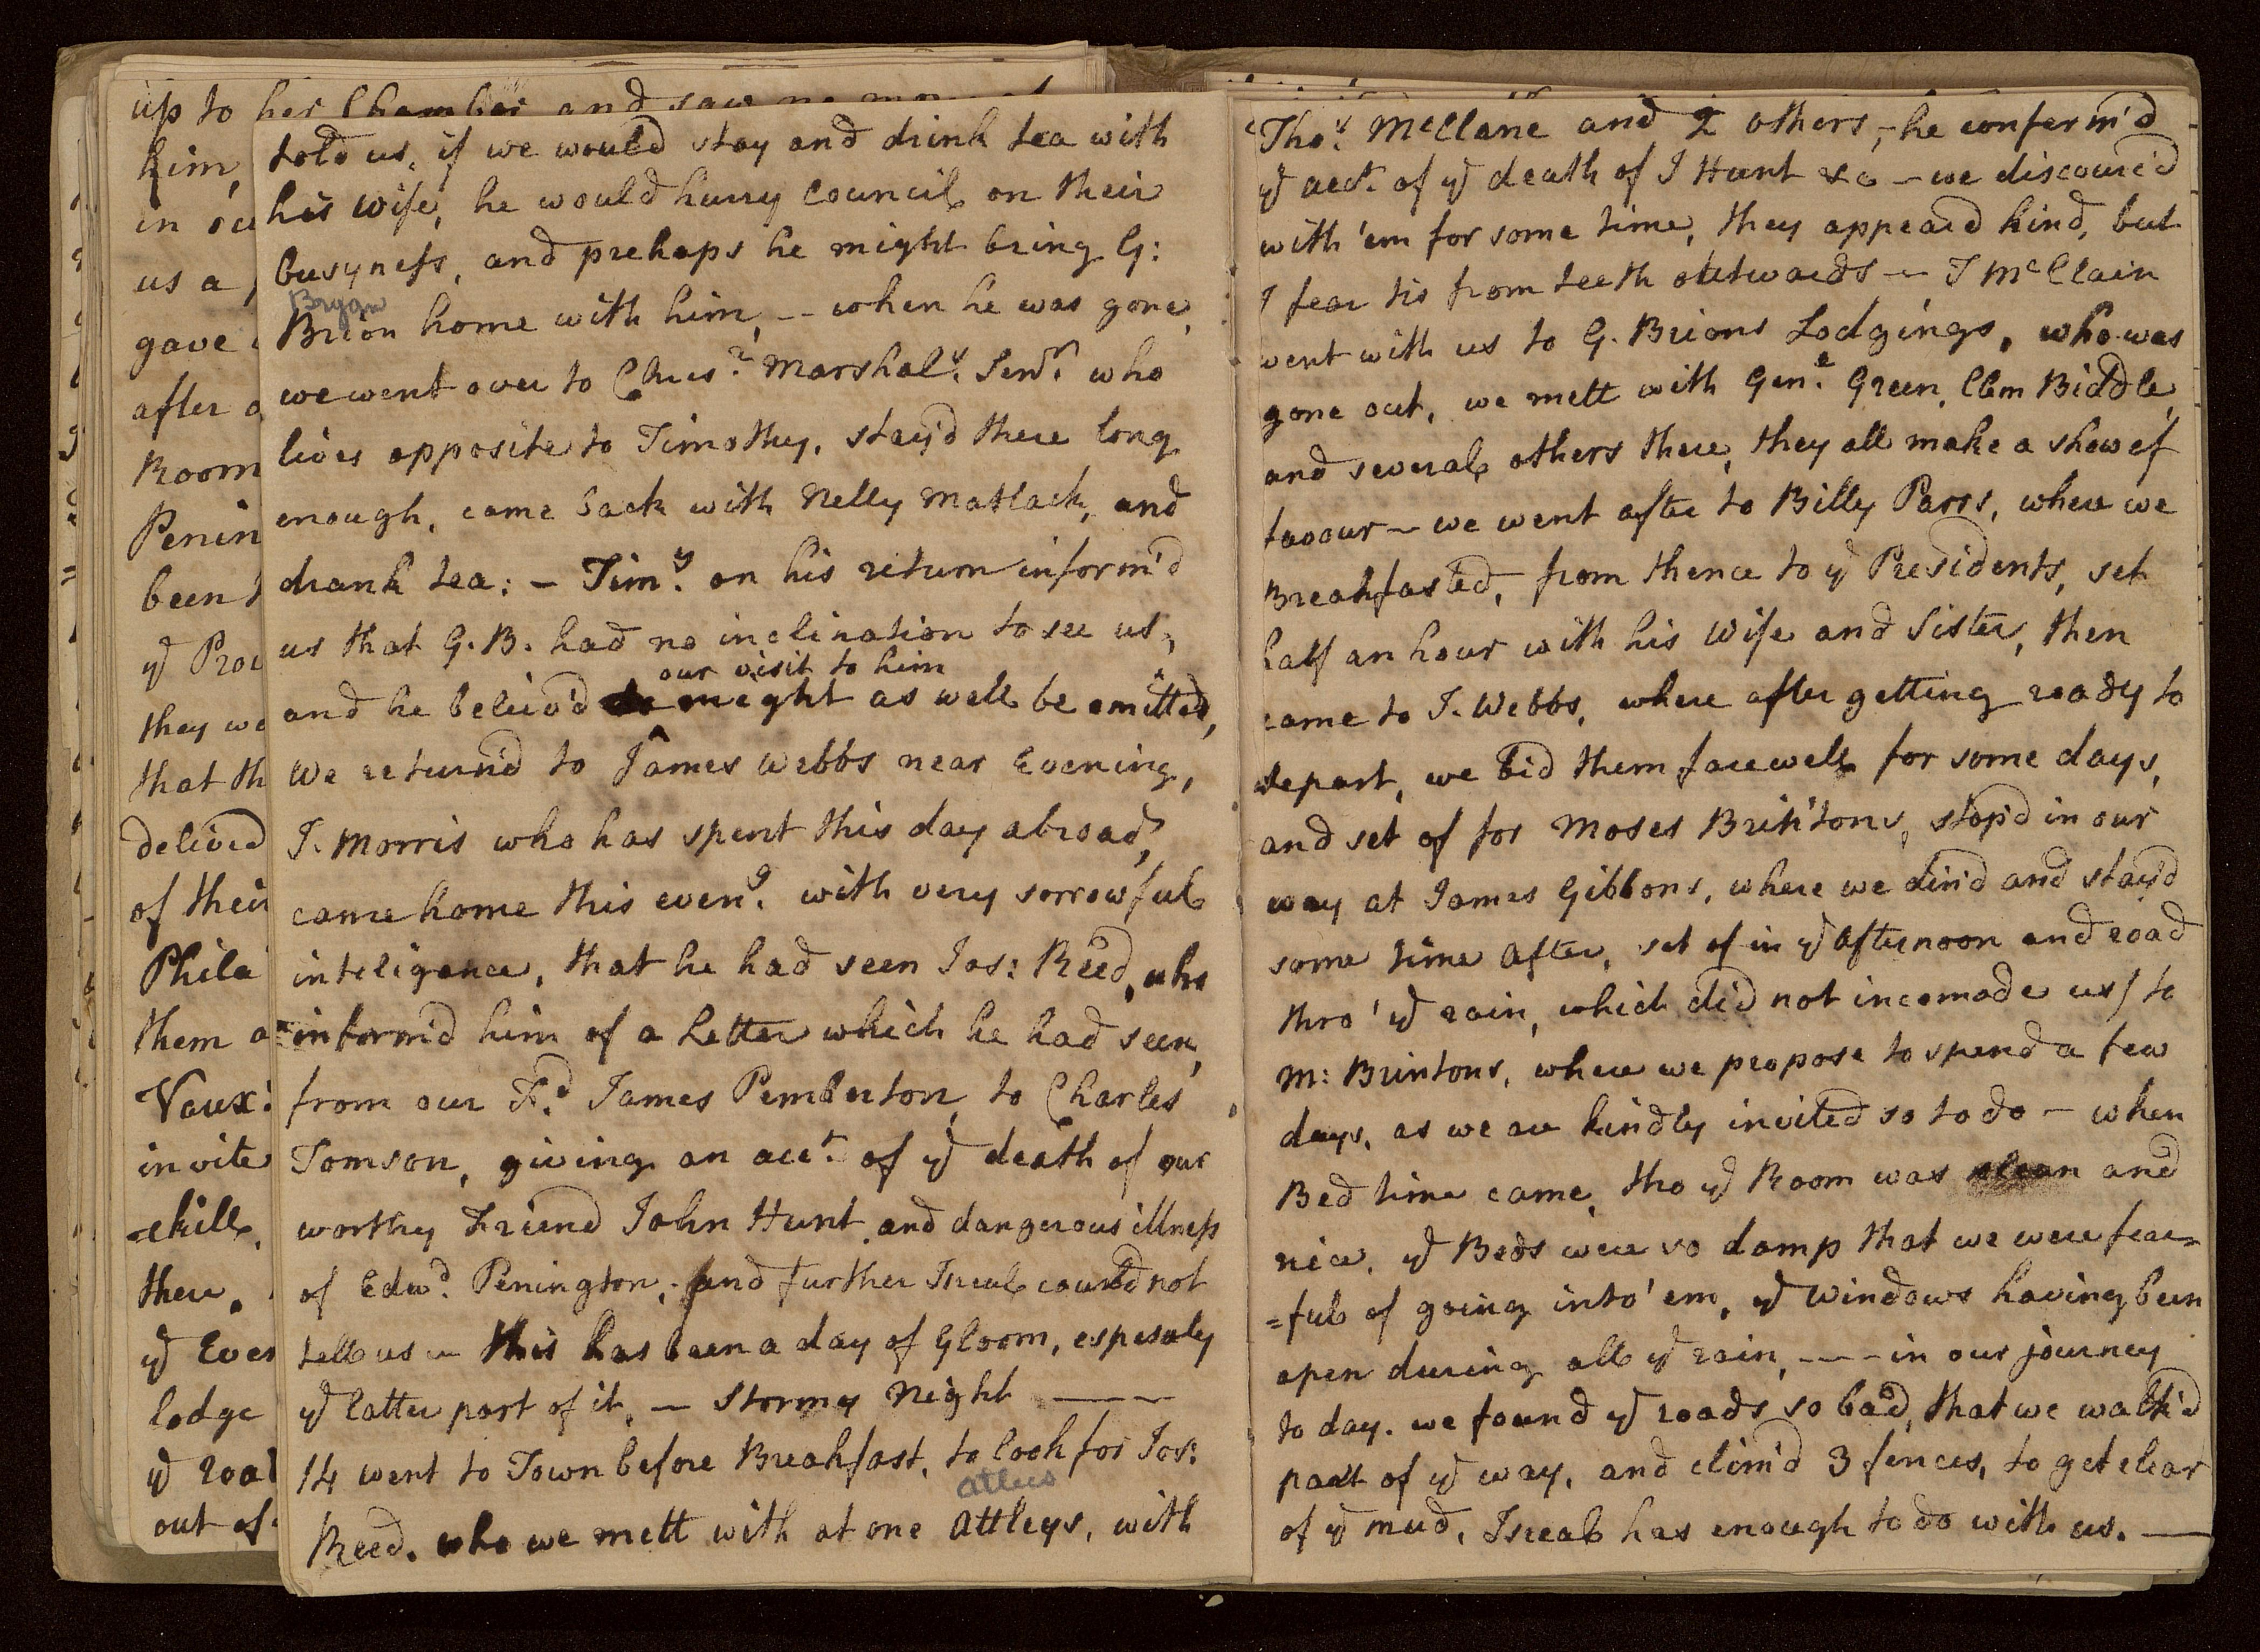told us, if we would stay and drink tea with
his wife, he would hurry council on their
busyness, and prehaps he might bring G:
Bryan
Brion home with him,-- when he was gone,
we went over to Chris^r. Marshal^s. Sen.^r who
lives opposite to Timothy, stay'd there long
enough, came back with Nelly Matlack, and
drank tea:- Tim^y. on his return inform'd
us that G. B. had no inclination to see us,
our visit to him
and he beleiv'd he might as well be omitted,
We return'd to James Webbs near Evening,
T. Morris who has spent this day abroad,
came home this even^g. with very sorrowful
inteligence, that he had seen Jos: Reed, who
inform'd him of a Letter which he had seen,
from our F^d. James Pemberton, to Charles'
Tomson, giving an acc^t. of y^e death of our
worthy Friend John Hunt, and dangerous illness
of Edw^d. Penington, and further Isreal could not
tell us- that has been a day of Gloom, expressly
y^e latter part of it,- Stormy night-
14 went to Town before Breakfast, to look for Jos:
Atlees
Reed. who we mett with at one Attleys, with
Tho^s. M^c Clane and 2 others,- he conferm'd
y^e acc^t. of y^e death of J Hunt &c- we discoure'd
with 'em for some time, they appeard kind, but
I fear tis from teeth outwards- T M^c Clain
sent with us to G. Brions Lodgings, who was
gone out, we mett with Gen^l. Green, Clem Biddle,
and several others there, they all make a show of
favour- we went after to Billy Parrs, where we
Breakfasted,- from thence to y^e Presidents, set
half an hour with his wife and sister, then
came to T. Webbs, where after getting ready to
depart, we bid them farewell for some days,
and set of for Moses Brisitons, stop'd in our
way at James Giblons, where we din'd and stay'd
some time after, set of in y^e afternoon and road
thro' y^e rain, which did not incomade with
M: Brintons, where we propose to spend a few
days, as we a kindly invited so to do- when
Bed time came, tho y^e Room was clean and
nice, y^e Beds were so damp that we were fear-
-ful of going into 'em, y^e windows having been
open during all y^e rain, -in our journey
to day. we found y^e roads so bad, that we walk'd
part of y^e way, and clim'd 3 fences, to get clear
of y^e mud, Isreal has enough to do with us.-